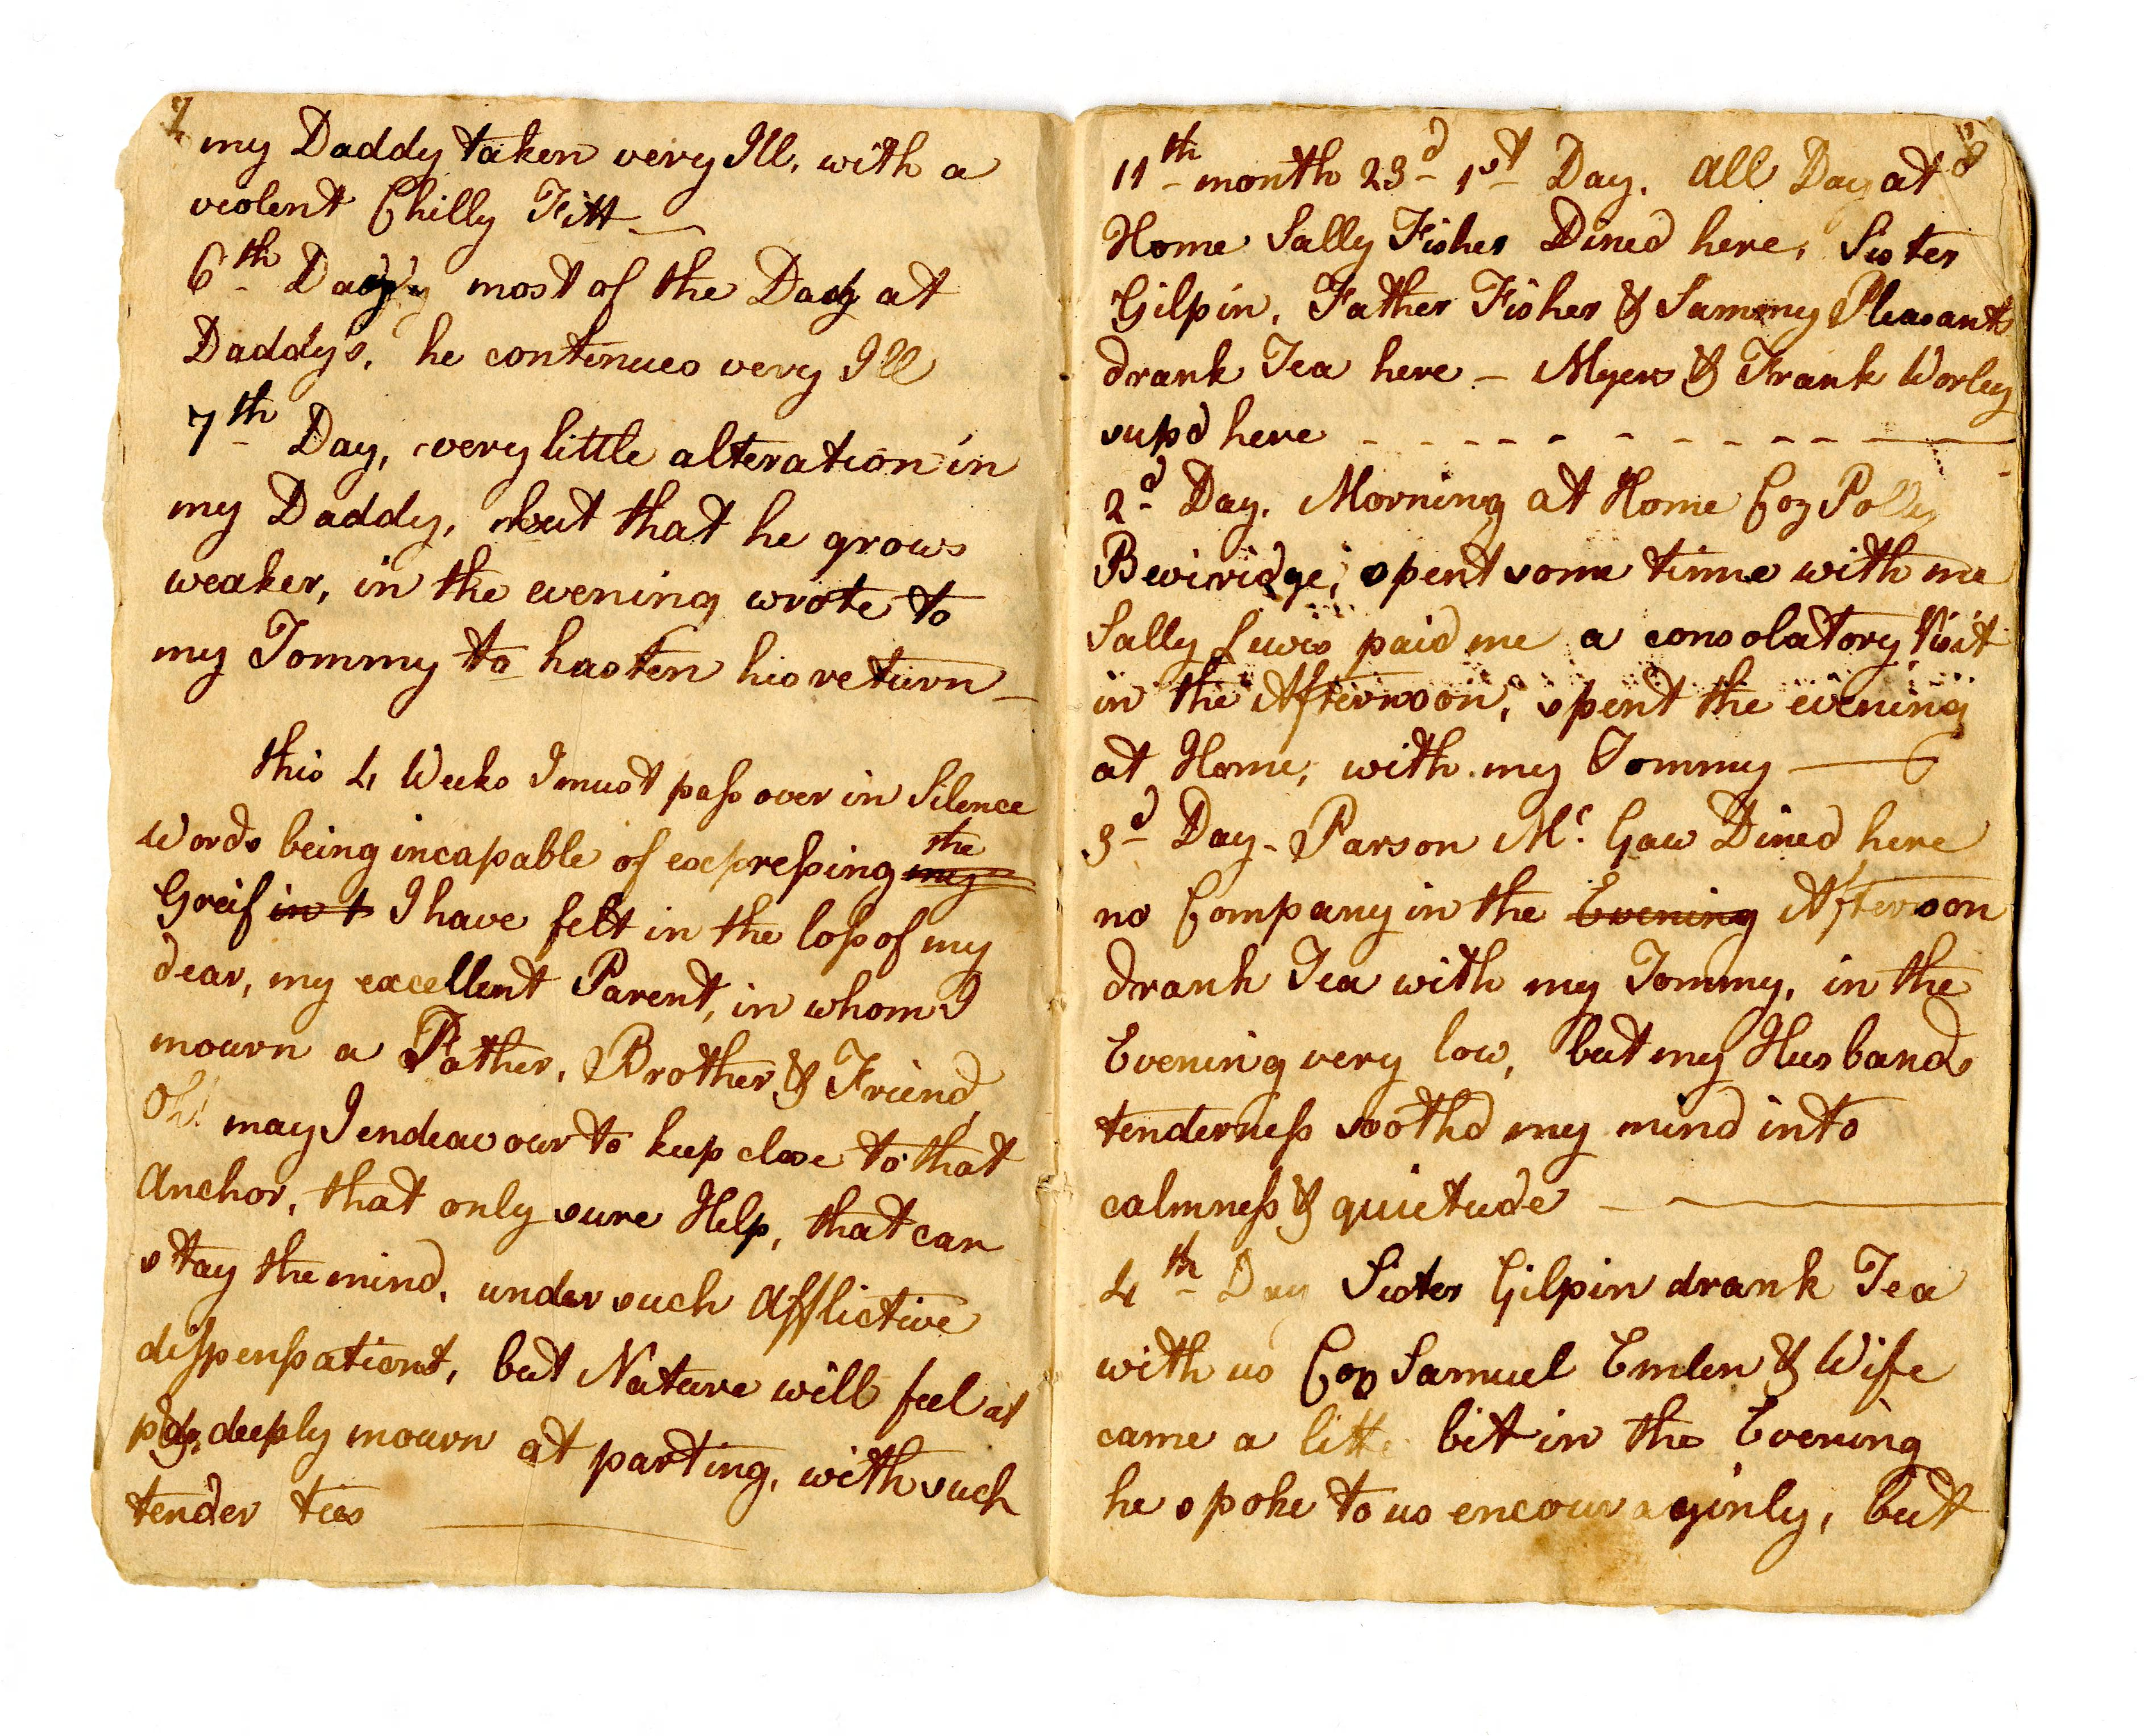^7 my Daddy taken very Ill, with a
violent Chilly Fitt-
6^th. Day most of the Day at
Daddy's, he continues very Ill
7^th Day, very little alteration in
my Daddy, but that he grows
weaker, in the evening wrote to
my Tommy to hasten his return -
this 4 Weeks I must pass over in Silence
the
Words being incapable of expressing [__]
Greif [___] I have felt in the loss of my
dear, my excellent Parent, in whom I
mourn a Father, Brother & Friend
Oh may I endeavor to keep close to that
Anchor, that only sure Help, that can
stay the mind, under such Afflictive
dispenssationst, but Nature will feel at
p & deeply mourn at parting, with such
tender teas -
11^th month 23^d 1^st Day. All Day at
Home Sally Fisher Dined here, Sister
Gilpin, Father Fisher & Sammy Pleasants
drank Tea here.- Myers & Frank Worley
supd here -
2^d Day, Morning at Home Coz Polly
Beviridge, spent some time with me
Sally Lewis paid me a consolatory Visit
in the Afternoon, spent the evening
at Home, with my Tommy -
3^d Day - Parson M^.cGaw Dined here
no Company in the [_______] Afternoon
drank Tea with my Tommy, in the
Evening very low, but my Husband
tenderness soothd my mind into
calmness & quietude -
4^th Day Sister Gilpin drank Tea
with us Coz Samuel Emlen & Wife
came a litte bit in the Evening
he spoke to us encouraginly, but